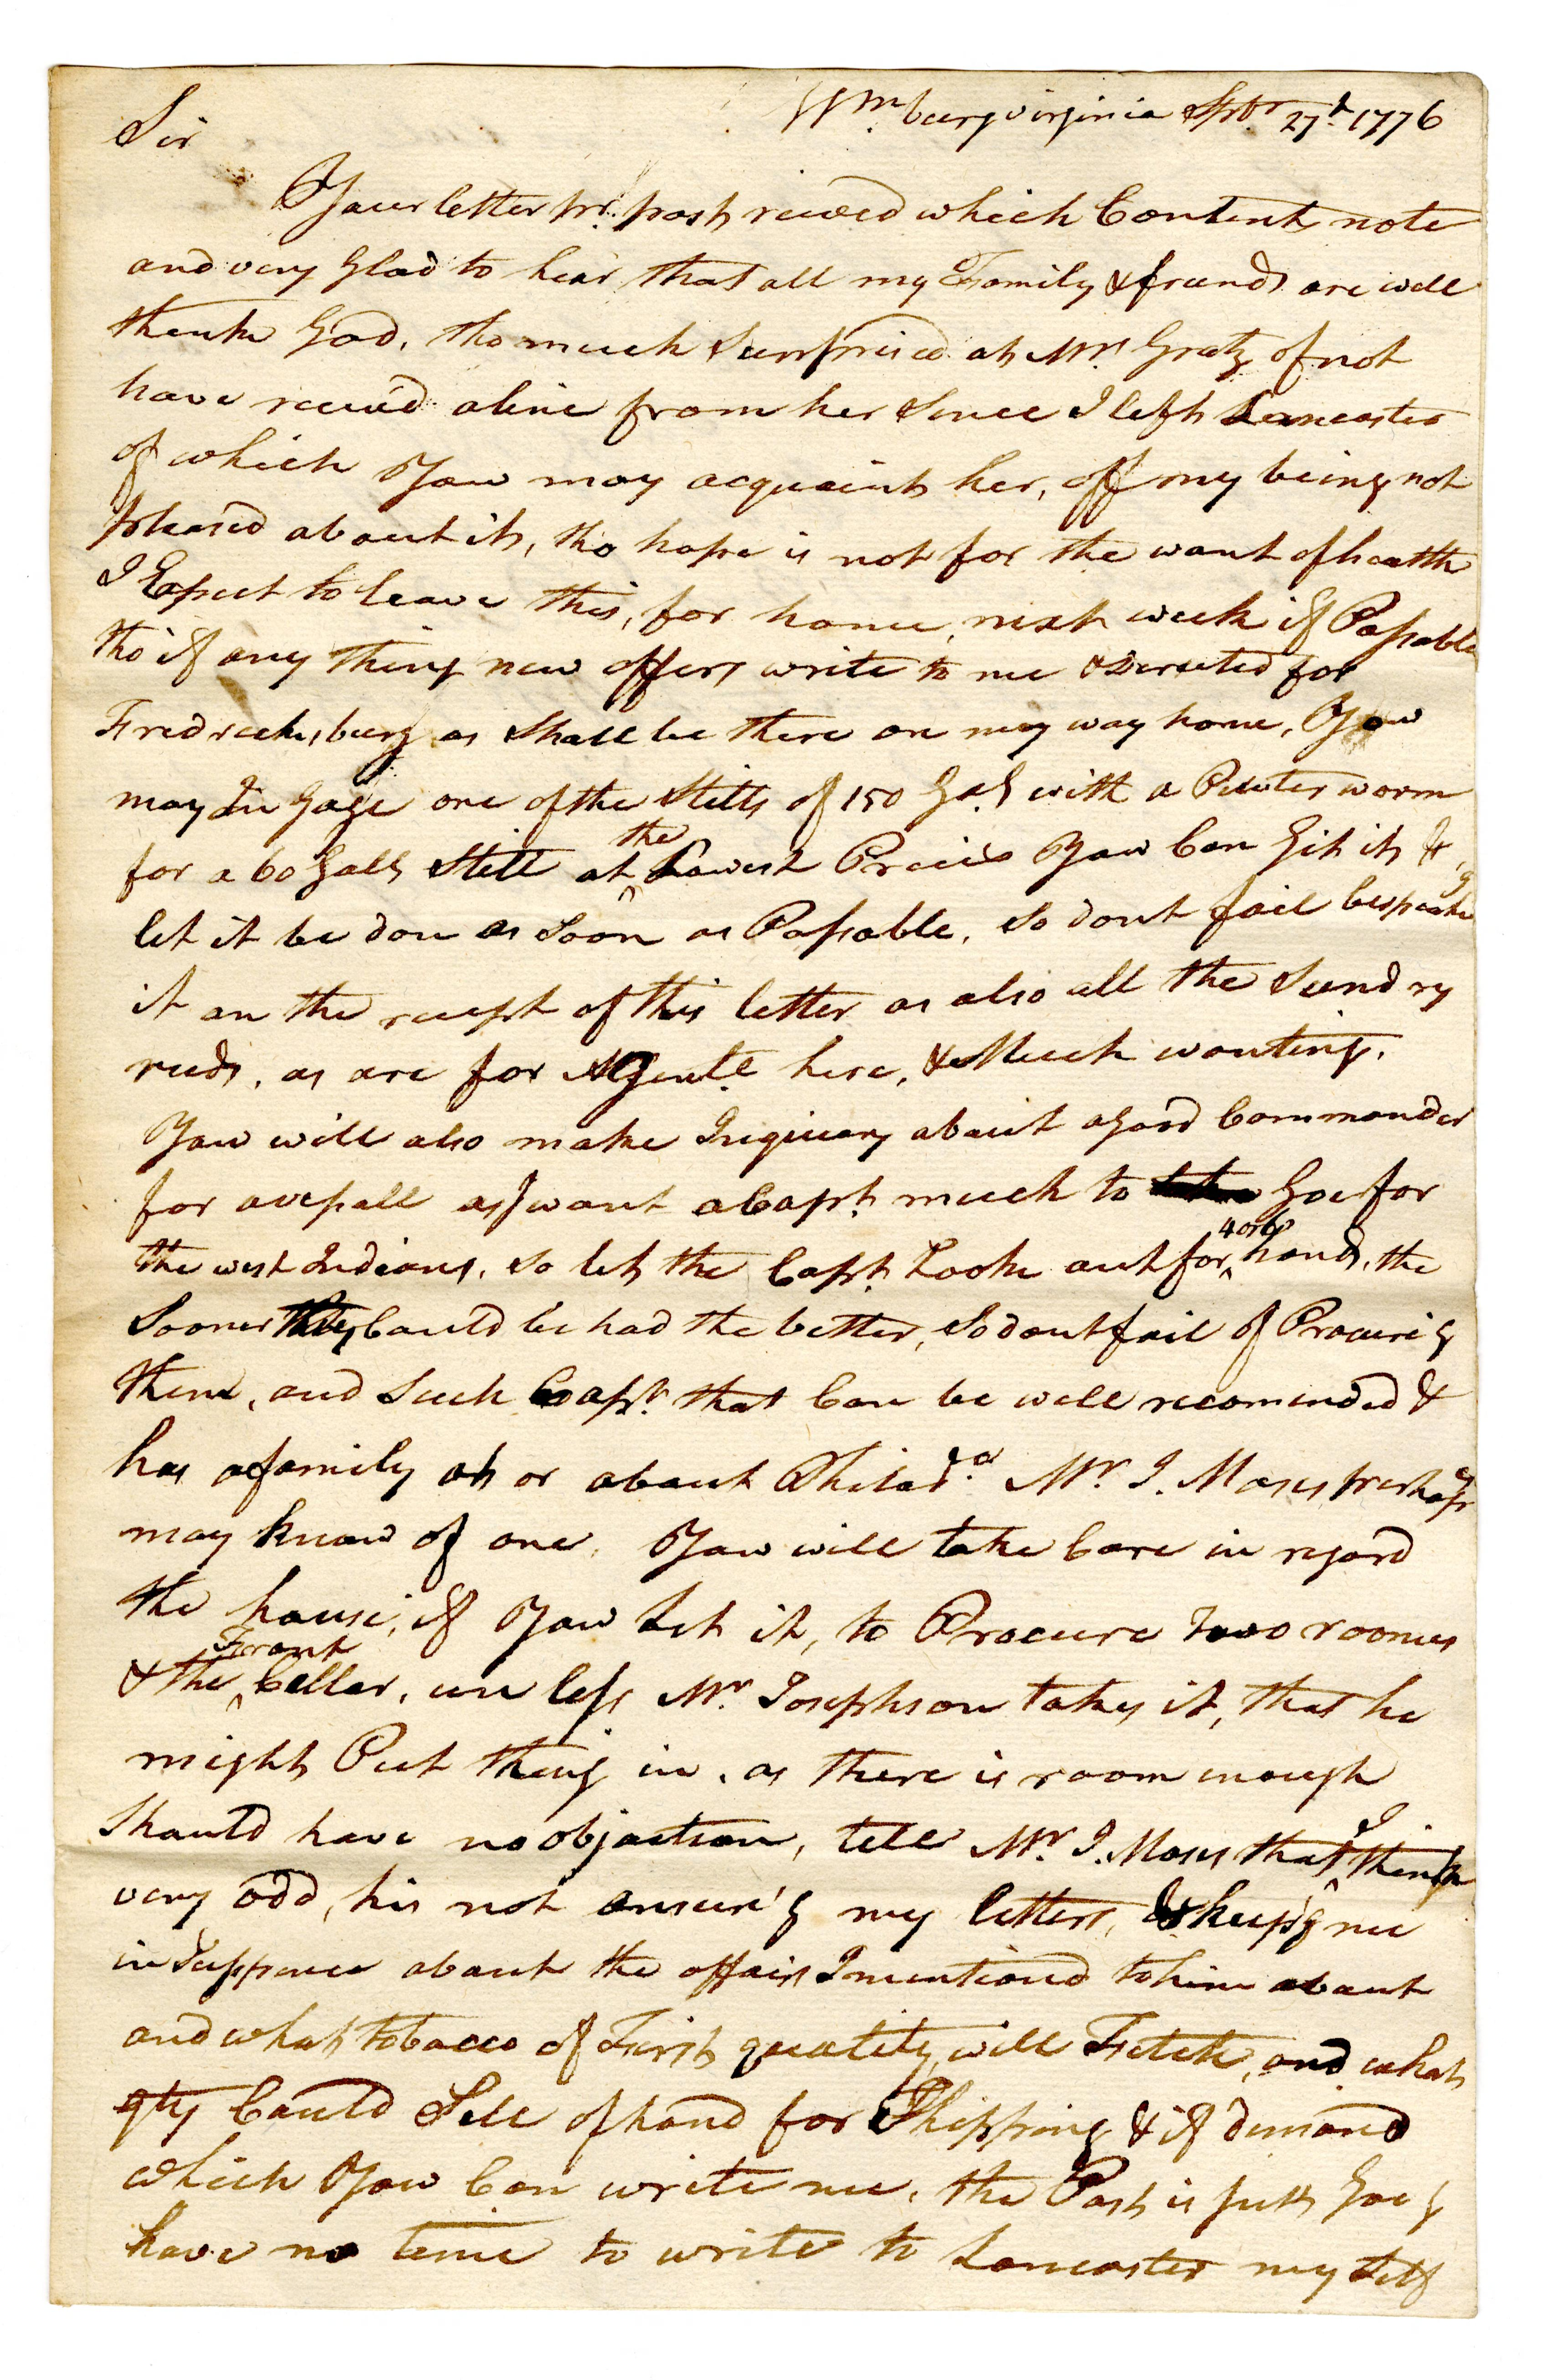W^m.burg virginia Spb^r 27^t 1776
Sir
Your letter p^r post receved which Contents note
and very glad to hear that all my Family & friends are well
thank God, tho much surprised at M^rs. Gratz of not
have receved a line from her since I left Lancaster
of which you may acquaint her, off my being not
pleased about it, tho hope is not for the want of health
I Expect to leave this for home next week if Possable
tho if my things new offers write to me & Directed for
Fredericksburg as shall be there on my way home, you
may Ingage one of the Stills of 150 Gal with a Pewter worm
the
for a 60 Gall still at ^ lowest price you can git it for`
let it be don as soon as Possable, so dont fail bespeake
if on the recept of this letter as also all the Sundry
reeds, as are for Aquete here, & Much wanting
you will also make Inquiries about a good Commander
for a vessall as I want a Cap^t much to [____] Goe for
4 or 6
the West Indians, so let the Cap^t Looke are for ^ hand, the
Sooner they Could be had the better, so dont fail of Procure'g
them, and Such Cap^t that Can be well recomended &
has a family at or about Philad^a M^r I. Moses Franks
may know of one, You will take Care in regard
the house if you Let it, to Procure two rooms
Frank
& the ^ Caller, unless M^r. Josephson take it, that he
might Put thing in as there is room enough
should have no objection, tell M^r. I. Moses that ^I think
very odd, his not answer'g my letters, & keep'g me
in suspance about the affairs I mentioned to him about
and what tobacco of First quantity will fetch and what
qty Could sell of hand for shipping & if demand
which you can write me, the Post is just going
have no time to write to Lancaster my self